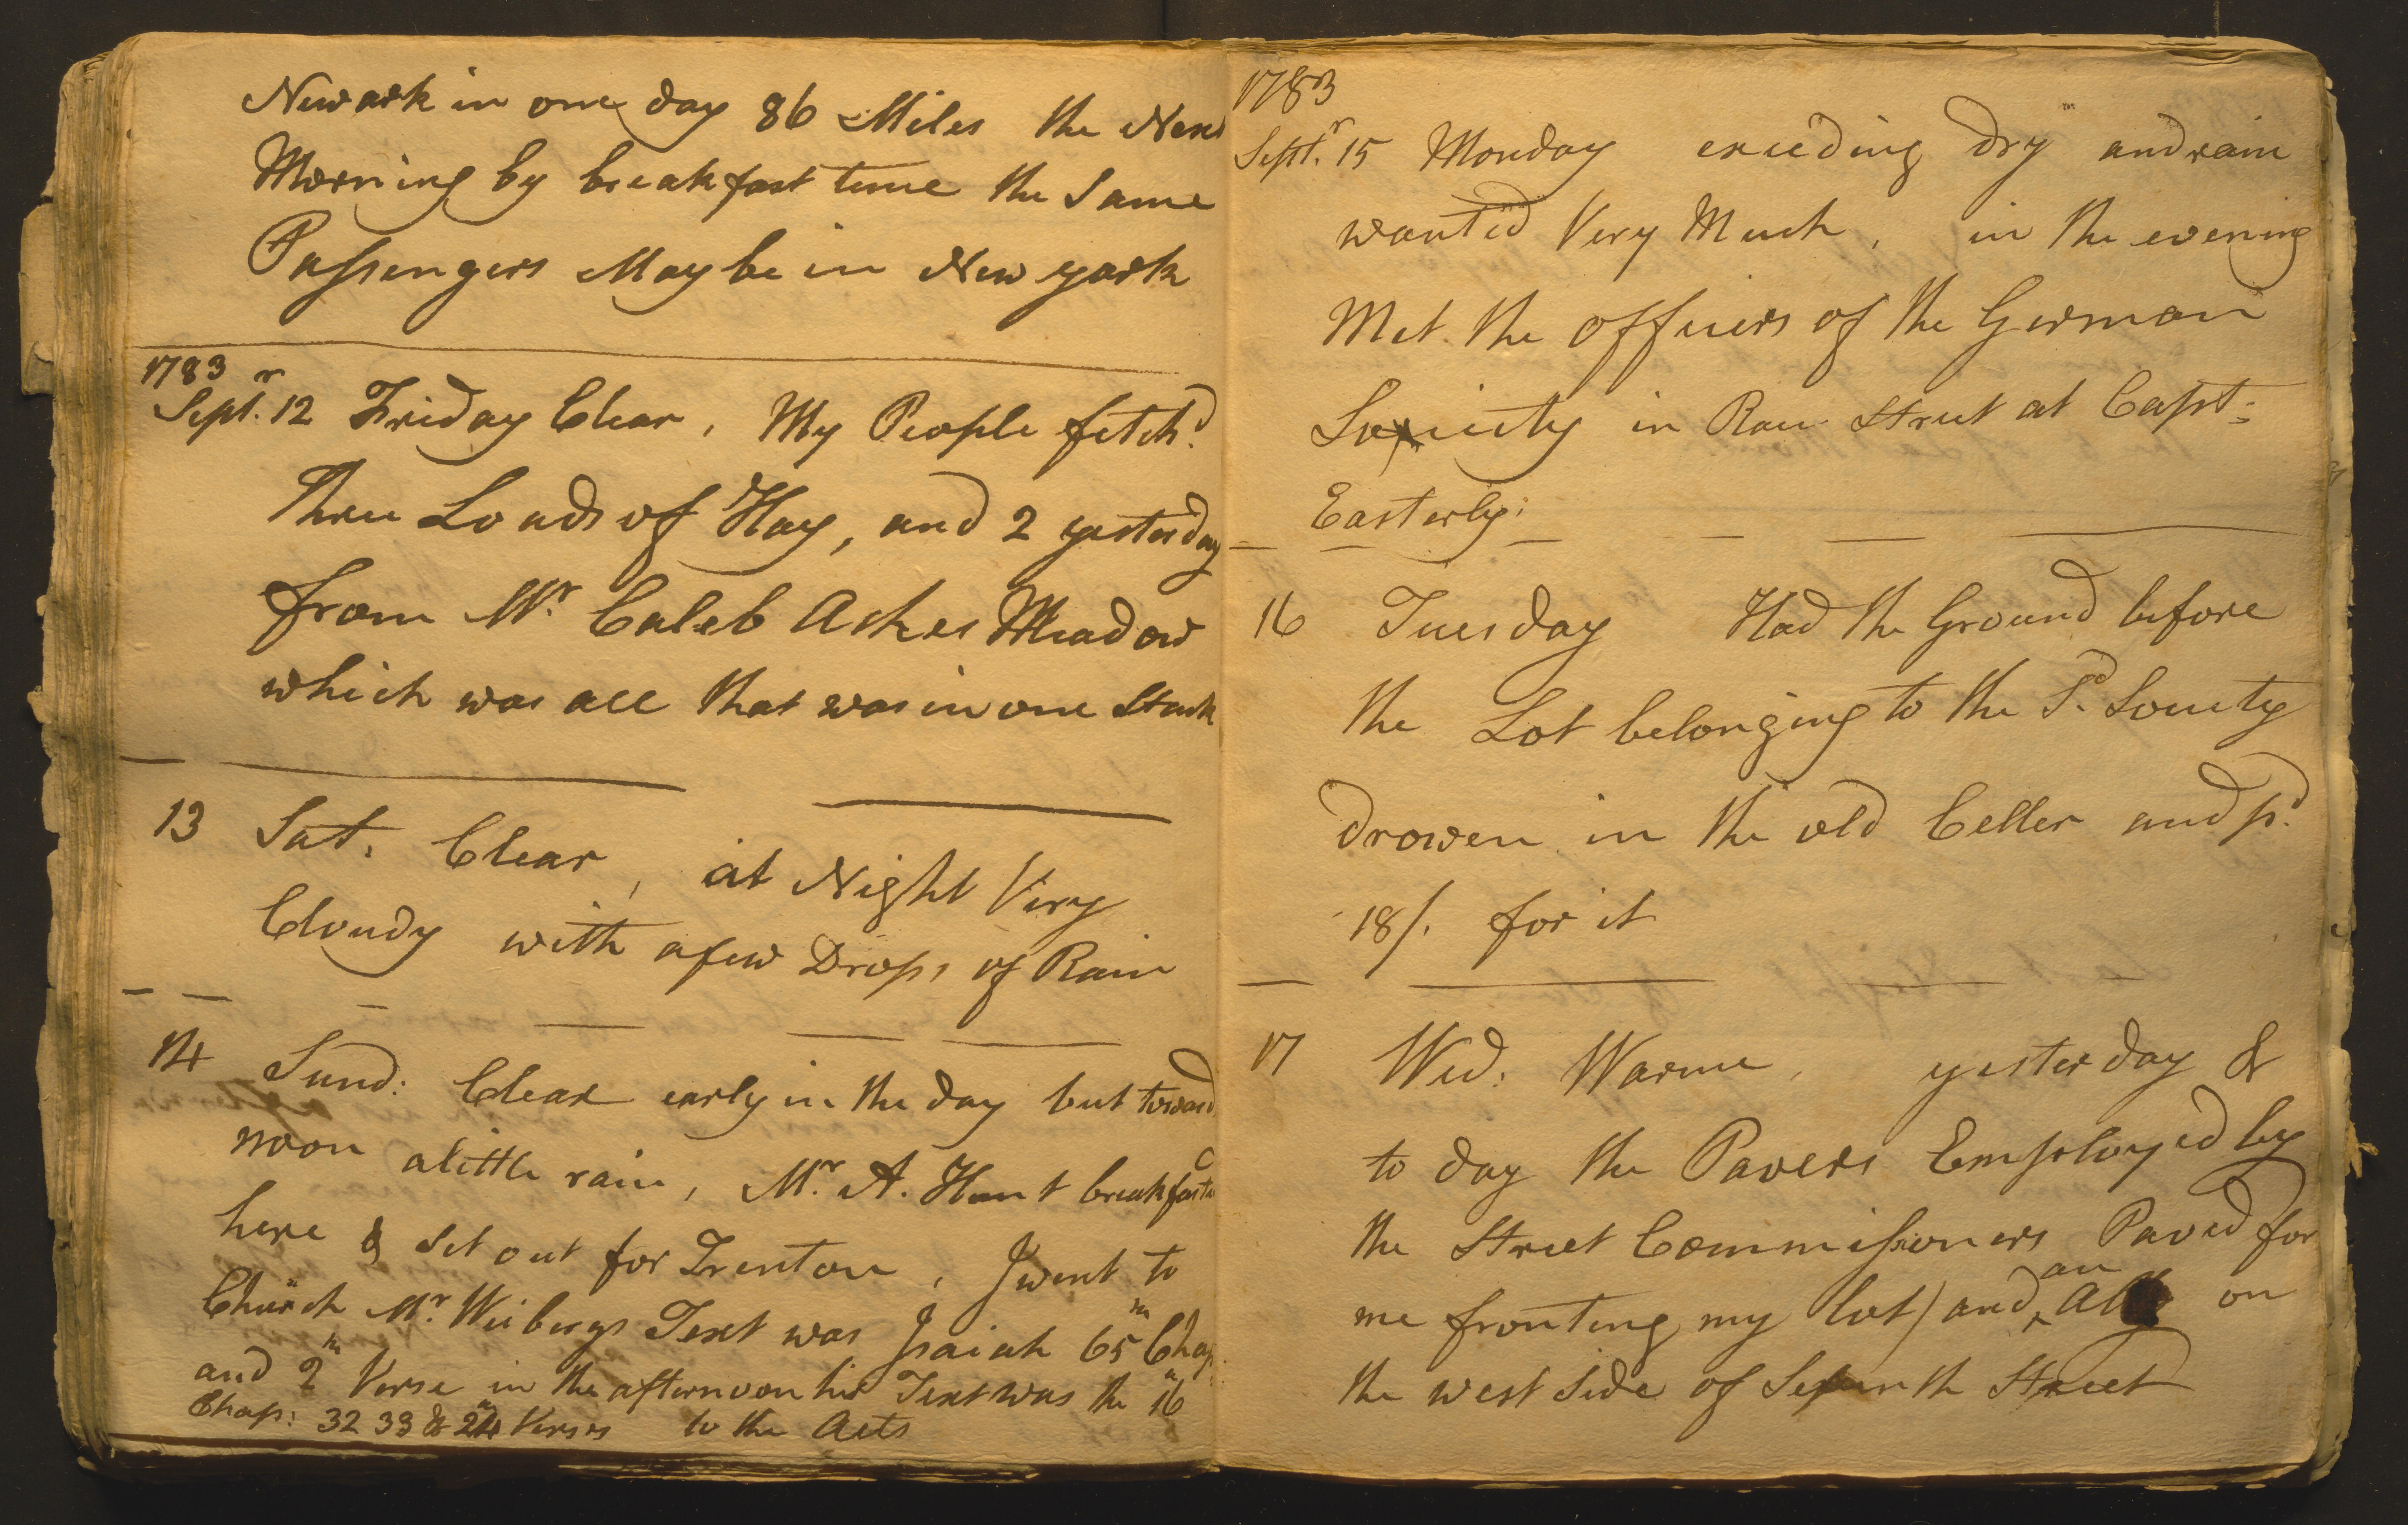Newark in one day 86 Miles the Next
Horning by breakfast time the Same
Passengers May be in New york
1783
Sept^r. 12 Friday Clear. My People fetch^d.
Three Loads of Hay, and 2 yesterday
from M^r. Caleb Ashes Meadow
which was all that was in one Stack
13 Sat. Clear at Night Very
Cloudy with a few Drops of Rain
14 Sund. Clear early in the day but toward
noon a little rain, M^r. A. Hant breakfasted
here & set out for Trenton, I went to
Church M^r. Weibergs Text was Isaiah 65^th Chap
and 2^th Verse in the afternoon his Text was the 16^th
Chap. 32 33 & 24^th Verses to the Acts
1783
Sept^r. 15 Monday exceding dry and rain
wanted Very Much, in the evening
Met. the officers of the German
Society in Race Street at Capt:
Easterly
16 Tuesday Had the Ground before
the Lot belonging to the S^d. Society
drowen in the old Celler and p^d.
18s. for it
17 Wed. Warme, yesterday &
to day the Pavers Employed by
the Street Commesoners Paved for
an
me fronting my lot) and ^ Ally on
the west side of Seventh Street